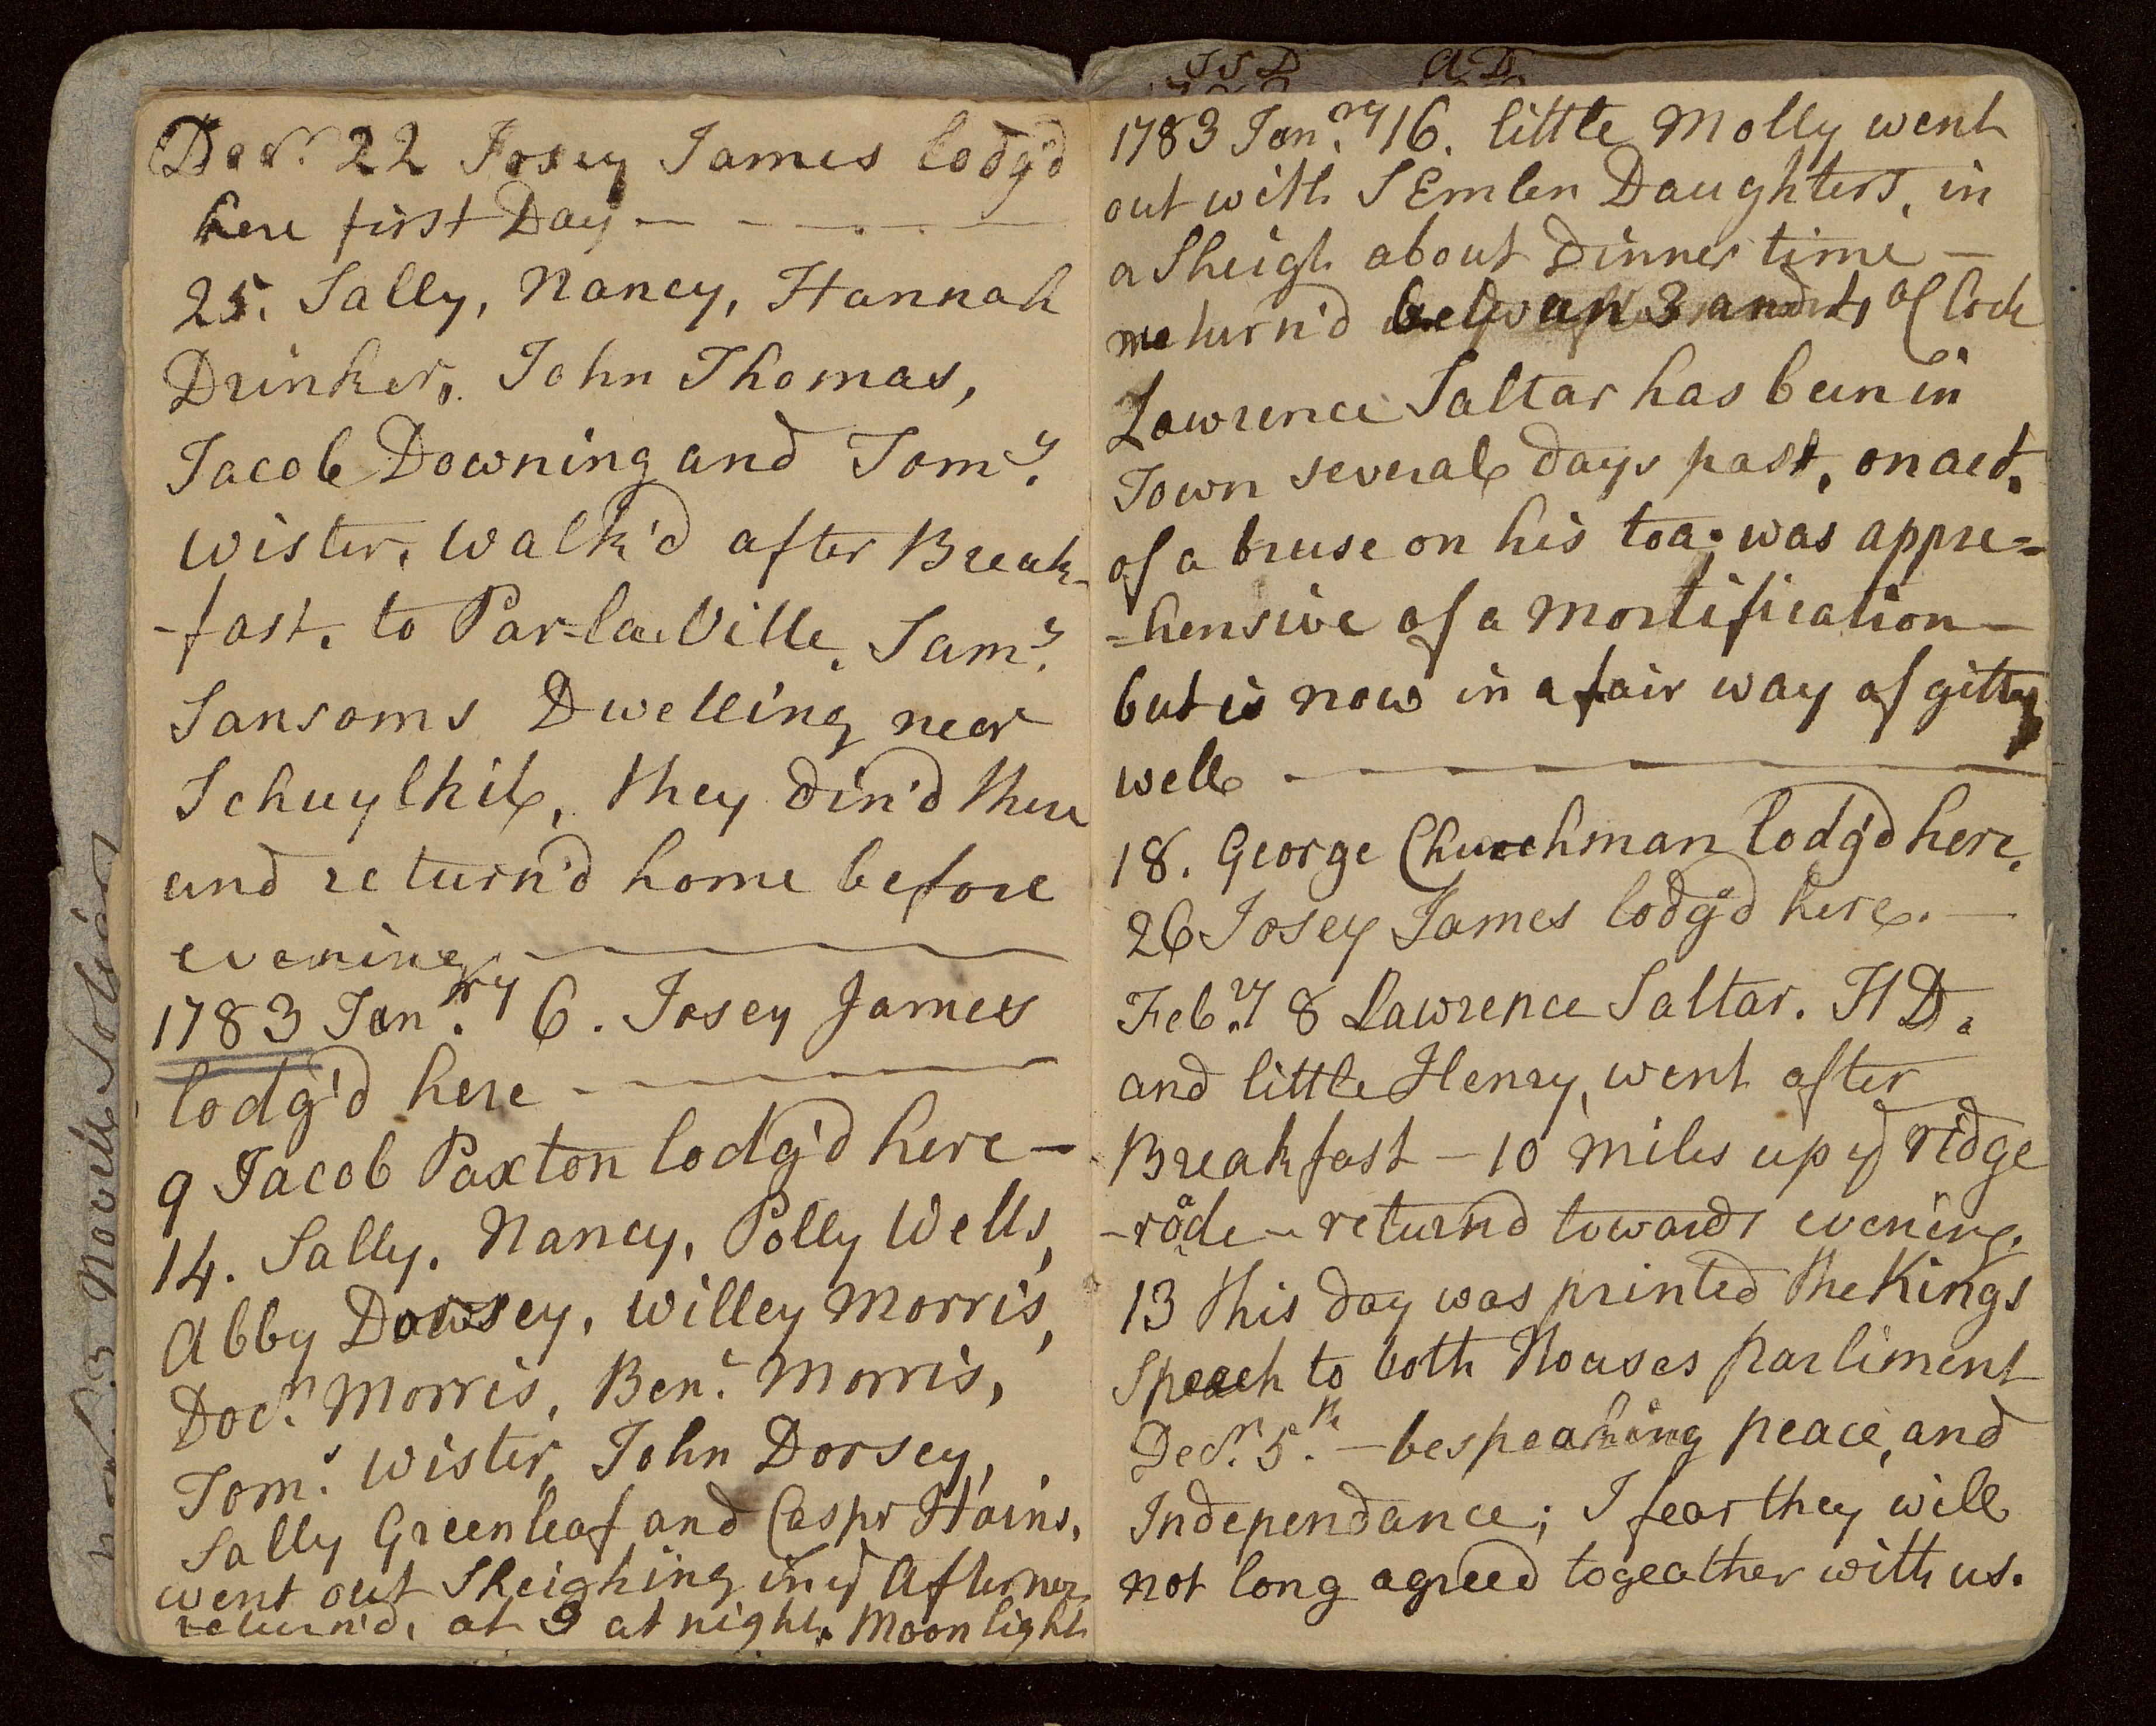Dec^r. 22 Josey James lodg'd
here first Day-----
25. Sally, Nancy, Hannah
Drinker, John Thomas,
Jacob Downing and Tom^y.
Wister, walk'd after Break-
-fast, to Par-laVille Sam^y.
Sansoms Dwelling near
Schuylkil, they din'd there
and re turn'd home before
evening-
1783 Jan^ry. 6. Josey James
lodg'd here-
9 Jacob Paxton lodg'd here-
14. Sally, Nancy, Polly Wells,
Abby Dowsey, Willey Morris,
Doc^r Morris, Ben^c. Morris.
Tom^s. Wister, John Dorsey
Sally Greenleaf and Caspr Hains,
went out Sheighing in y^e Afternor
return'd at 9 at night, Moon light
1783 Jan^ry 16. little Molly went
out with S Emlen Daughters, in
a Sheigh about Dinner time-
return'd between 3 and 4 ^o Clock
Lawrence Saltar has been in
Town several days past, on act,
of a bruse on his toa. was appre-
-hensive of a mortification-
but is now in a fair way of gitty
well -
18. George Churchman lodg'd here.
26 Josey James lodg'd hirgs-
Feb^ry 8 Lawrence Saltar. HD.
and little Henry, went after
Breakfast- 10 miles up y^e ridge,
-ro ^a de- returnd towards evening,
13 this day was printed the Kings
speech to both Houses Parliment
Dec^r 5^th.- bespeaking peace, and
Independance; I fear they will
not long agreed togeather with us-